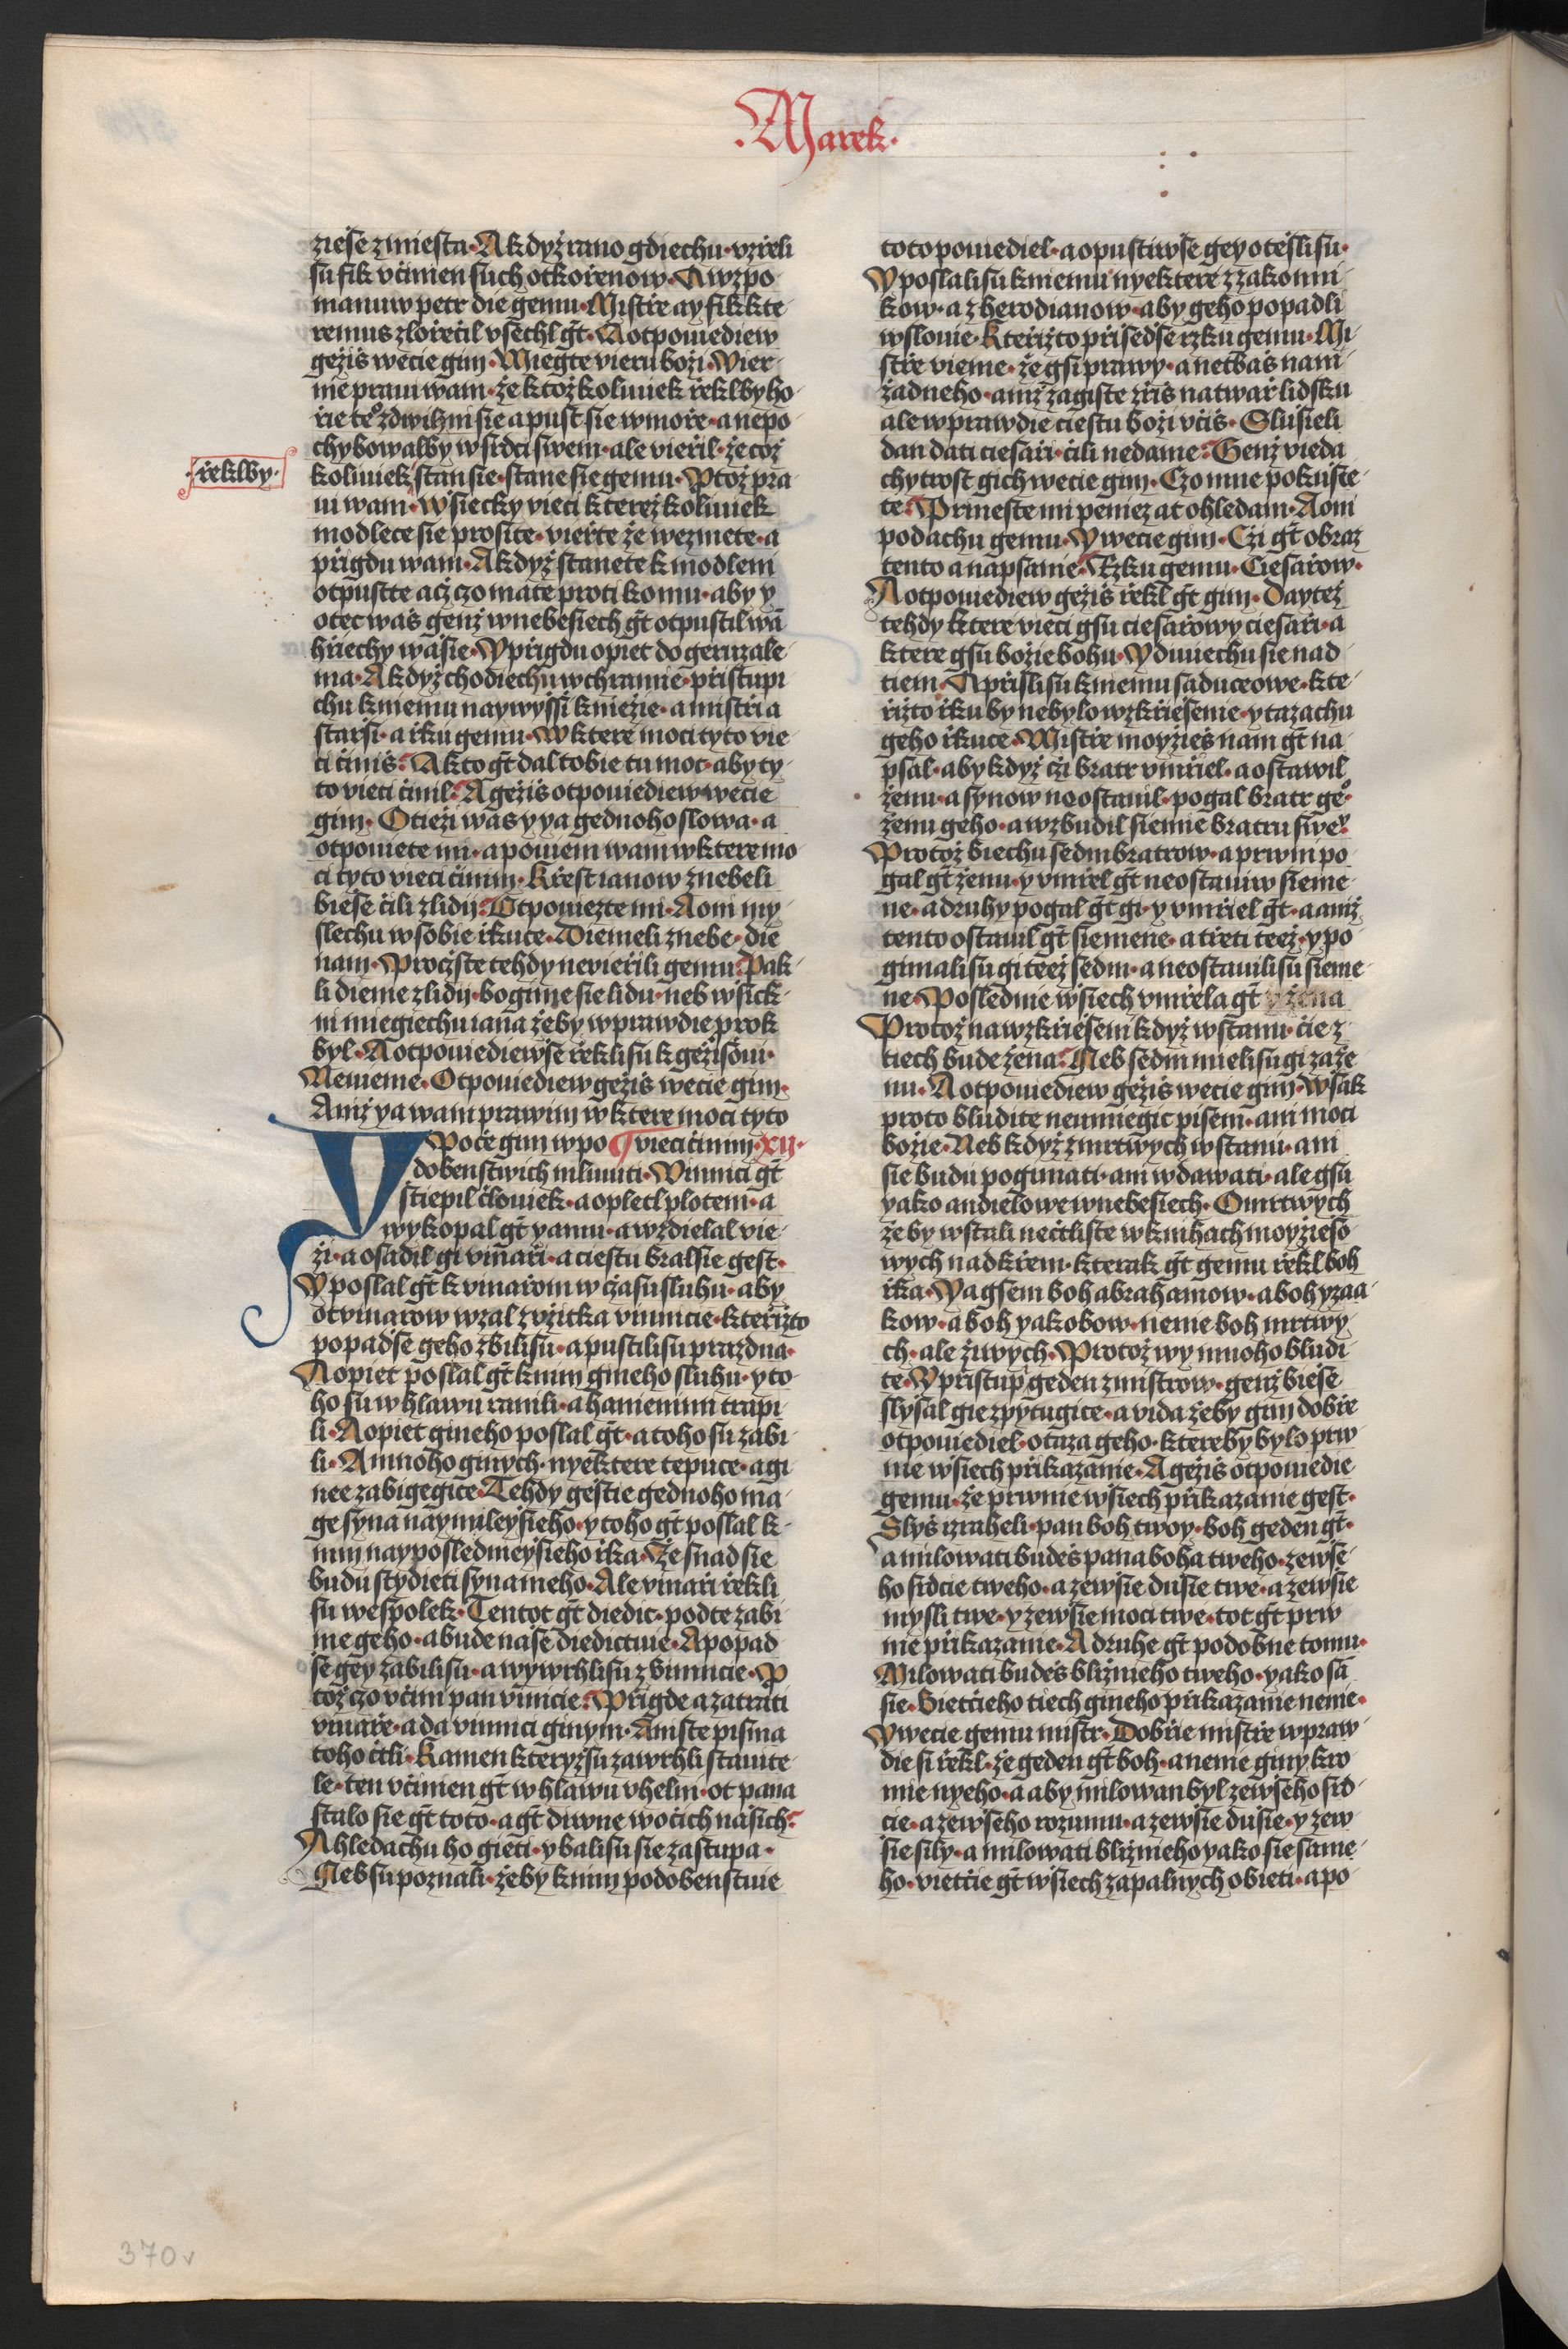zieẛe z míeſta. A kdyż rano gdíechu.vzṙeli
ſu fik vċinien ſuch otkoṙenow. A wzpo¬
manuw petr díe gemu.Miſtṙe ay fik kte¬
remus zloṙeċil vſechl ḡt.A otpowiediw
geżíṡ wecie gím.Miegte vieru bożí.Vier¬
mé praui wam.że ktoż koluiek ṙeklbyho
ṙíe teo zdwihni ſie a puſt ſie w moṙe.a nepo¬
chy bowalby wſrdci ſwem.ale vieṙil.że coż
koliuiek ſtan ſie.ſtane ſie gemu.Ꝓtoż pra¬
uí wam.Wẛiecky víeci ktereżkoliuiek
modlece ſie proſíte.vieṙte że wezmete.a
pṙigdu wam.A kdyż ſtanete k modlení
otpuſtte acż czo mate proti komu.aby y
otec waṡ genż wnebeſíech ḡt otpuſtil wā¬
hṙíechy waẛie.Y pṙigdu opiet do geruzale¬
ma.A kdyż choḋíechu.wchramie.pṙiſtupi¬
chu kníemu naywyẛẛí knieżíe.a miſtṙi a
ſtarẛí.a ṙkú gemu.W které moci tyto vie¬
ci ċiníṡ?A kto ḡt dal tobie tu moc.aby ty
to víecí ċinil?A geżíṡ otpouiediew wecie
gím.Otíeži was y ya gednoho ſlowa.a
otpouíete mi.a pouiem wam w ktere mo¬
ci tyto vzeci ċinim.Kṙeſt ianow znebeli
bíeẛe ċili zlidij?Otpouiezte mi.A oni my¬
ſlechu wſobie ṙkuce.Diemeli znebe.díe
nam.Procżſte tehdy nevíeṙili gemu?Pak
li díeme zlidij.bogíme ſie lidu.neb wſick¬
ni miegiechu iana żeby wprawdie prok¬
byl.A otpouiediewẛe ṙekli ſu k geżíẛoui.
Neuíeme.Otpouiediew geżíṡ wecie gím.
Aniż ya wane prawím vkteré moci tyto
Poċe gim wpo vieci ċinim.xij.
dobenſtwích mluuiti.Vinnici ḡt
ẛtiepil ċlouiek.a opletl plotení.a
O pykopal ḡt yanuu.a wzdielal vie¬
żi.a oſadil gi vinaṙi.a cieſtu bral ſie geſt.
Y poſlal ḡt kvinaṙom w cżaſu ſluhu.aby
otvinarow wzal zvżitka vinnicie.kteṙíżto
popaḋẛe geho zbiliſu.a puſtiliſu prazdna.
A opiet poſlal ḡt knim gineho ſluhu.yto
ho ſu w hlawu ranili.a hanienim trapi¬
li.A opiet gineho poſlal ḡt.a toho ſu zabi¬
li.A mnoho ginych.nyekteré tepuce.a gi¬
nee zabígegíce.Tehdy geẛtie gednoho ma¬
ge ſyna naymileyẛíeho.y toho ḡt poſlal k
nim naypoſlednieyẛíeho ṙka.Że ſnad ſie
budu ſtydieti ſyna meho.Ale vinaṙi ṙekli
ſu weſpolek.Tentot ḡt diedic.podte zabí¬
me geho.a bude naẛe diedictuíe.Apopad¬
ſe gey zabiliſu.a wywrhliſu z vinnicie.Ꝓ¬
toż czo vċini pan vinicie?Pṙigde a zatratí
vinaṙe.a da vinnici ginym.Ani ſte piſma
toho ċtli.Kameti kterýżſu zavrhli ſtauite
le.ten vċinien ḡt to hlawu vhelní.ot pana
ſtalo ſie ḡt toto.a ḡt diwne woċích naẛich?
A hledachu ho gíeti.ybaliſu ſie zaſtupa.
Neb ſu poznali.żeby knim podobenſtuíe
toto pouiediel.a opuſtiwẛe gey oteẛli ſu.
Y poſlaliſu knienu nyekteré zzakonní¬
kow.a zherodianow.aby geho popadli
wſlouie.Kteṙíżto pṙiẛedẛe rzku gemu.A
ſtṙe vieme.že gſi prawy.a netbaṡ nam
żadneho.aniż zagiſte zṙíṡ natwáṙ lidſku
ale wprawdie cieſtu boží vċiṡ.Sluẛieli
dati dati cieſaṙi.ċili nedame?Genż vieda
chytroſt gich wecie gim.Czo mne pokuẛie¬
te?Prineſte mi peniez at ohledam.A oni
podachu gemu.Y wecie gim.Cżí ḡt obraz
tento a napſaníe?Rzku gemu.Cieſaṙow.
A otpouediewo geżíṡ ṙekl ḡt gim.Dayteż
tehdy které wieci gſu cieſaṙowy cieſaṙi.a
ktere gſu bożíe bohu.Ydiuiechu ſie nad
tiemi.A pṙiẛli ſu knemu ſaduceowé.kte¬
ṙiżto ṙku by nebylo vzkṙíeẛenie.y tazachu
geho ṙkuce.Miſtṙe moyzíeṡ nam ḡt na¬
pſal.aby kdyż cżi bzatr vmṙiel.a oſtawil
żenu.a ſynow no oſtauil.pogal bratr geo
żenu geho.a wzbudil ſiemie bratru ſwev
Protoż bíechu ſedm bratrow.a prwní po¬
gal ḡt żenu.y vmṙel ḡt neoſtauiw ſíeme
ne.adruhy pogal ḡt gi y umṙiel ḡt.a aniż
tento oſtauil ḡt ſemene.a tṙeti teež.y po¬
gimaliſu gi teež ſedm.a neoſtauiliſu ſieme
ne.Poſlednie wẛiech umṙela ḡt?K ak
Protož na wzkṙíeẛení když wſtanu.ċíe z
tiech bude żena?Neb ſedm mieli ſu gi zaże¬
nu.A otpouiediew geżiṡ wecie gím.Wẛak
proto bludíte nevmíegíc píſem.ani moci
bożíe.Neb kdyż zmrtwych wſtanú.ani
ſie budú pogimati.ani wdawati.ale gſu
yako andielowe nebeſiech.Omrtwych
że by wſtali neċtliſte wknihach moyżíeẛo¬
wych nadkṙem.kterak ḡt gemu ṙekl boh
ṙka.Ya gſem boh abrahamow.a boh yzaa¬
kow.a boh yakobow.neníe boh mrtwy¬
ch.ale žiwych.Protoż wy mnoho bludi¬
te.Y pṙiſtup gedeti zmiſtrow.genż bíeẛe
ſlyẛal gie zyytugíce.a vida żeby gim dobṙe
otpouiediel.otaza geho.ktereby bylo prw¬
níe wẛiech pṙikazaníe.A geżiṡ otpouiedie
gemu.że prwníe wẛiech pṙikazaníe geſt.
Slyṡ izraheli.pan bóh twoy.boh geden ḡt.
a milowati budeṡ pana boha tweho.zewẛe¬
ho ſrdcie tweho.a zewẛie duẛie twé.a zetwẛie
myſli twe.y zewẛie moci twé.tot ḡt prw¬
né pṙikazanie.A druhe ḡt podobne tomu.
Milowati budeṡ bliżníeho tweho.yako ſā
ſie.Víetċieho tiech gineho pṙikazanie neníe.
Ywecie gemu míſtr.Dobṙíe miſtṙe wpraw¬
díe ſi ṙekl.że geden ḡt boh.a neníie giny kro¬
mie nyeho.a aby milowan byl zewẛeho ſrd¬
cie.a zewẛeho rozumu.zewẛíe duẛie.y zew¬
ẛie ſily.a milowati bliżníeho yako ſie ſame¬
ho.vietċíe ḡt wẛiech zapalnych obietí.a po